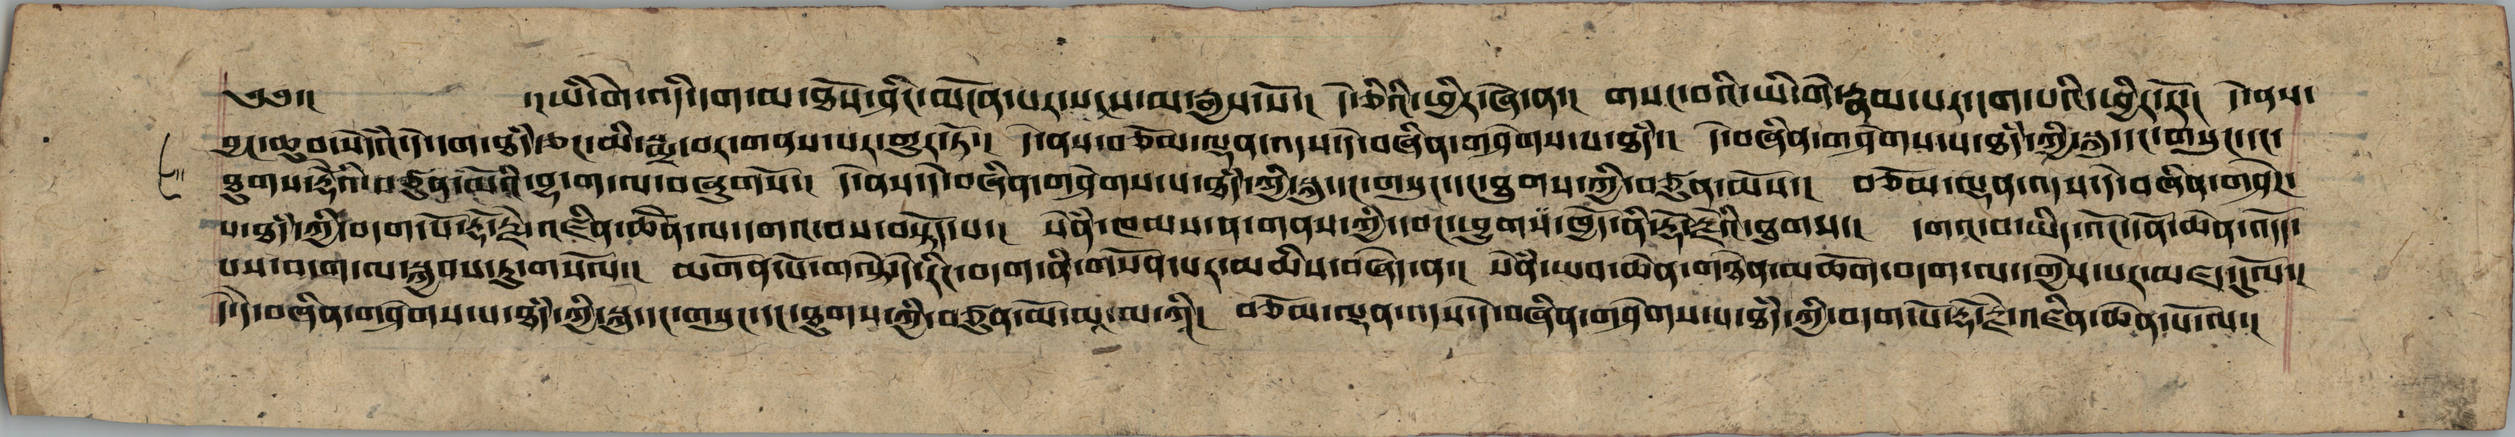༄༅་། ་།ཡི་གེ་འདི་དག་མ་ཐོས་ཤིང་མངོན་པར་སངས་མ་རྒྱས་སོ་། དེ་ཅིའི་ཕྱིར་ཞེ་ན་། གསང་བའི་ཡི་གེ་རྣམ་པར་དག་པའི་ཕྱིར་རོ་། དེ་ནས་
བྱང་ཆུབ་སེདཾའ་དེ་དག་ཐཾད་ཅང་མི་སྨྲ་བར་གནས་པར་གྱུར་ཏོ་། དེ་ནས་བཅོམ་ལྡན་འདས་དེ་བཞིན་གཤེགས་པ་ཐཾད་། དེ་བཞིན་གཤེགས་པ་ཐཾད་ཀྱི་སྐུ་དང་གསུང་དང་
ཐུགས་རྡོེའི་བཙུན་མོའི་བྷ་ག་ལ་བཞུགསོ་། དེ་ནས་དེ་བཞིན་གཤེགས་པ་ཐཾད་ཀྱི་སྐུ་དང་གསུང་དང་ཐུགས་ཀྱི་བཙུན་མོས་། བཅོམ་ལྡན་འདས་དེ་བཞིན་གཤེཌ་
པ་ཐདཾ་ཀྱི་བདག་པོ་རྡོ་རྗེ་འཛིན་ཆེོན་ལ་དགའ་བས་བསྟོད་པ་། སེཾན་ཁམས་ན་གནས་ཀྱི་དབང་ཕྱུགས་ཁྱེད་ནི་རྡོ་རྗེའི་ཐུགས་། དགའ་བ་ཡིད་འོང་དོན་ཆེན་འདོད་
པས་བདག་ལ་སྐྱབས་ཏུ་གསོལ་། མགོན་པོ་གལྟེ་དེ་རིང་བདག་ནི་གསོན་པར་མཆིས་བཞེད་ན་། སེཾན་ཡབ་ཆེན་གཉེན་མཆོག་བདག་ལ་དགྱེས་པར་མཛད་དུལོ་།
དེ་དེ་བཞིན་གཤེགས་པ་ཐདཾ་ཀྱི་སྐུ་དང་གསུང་དང་ཐུགས་ཀྱི་བཙུན་མོ་མཱ་མ་ཀཱི། བཅོམ་ལྡན་འདས་དེ་བཞིན་གཤེགས་པ་ཐདཾ་ཀྱི་བདག་པོ་རྡོ་རྗེ་འཛིན་ཆེན་པོ་ལ་།